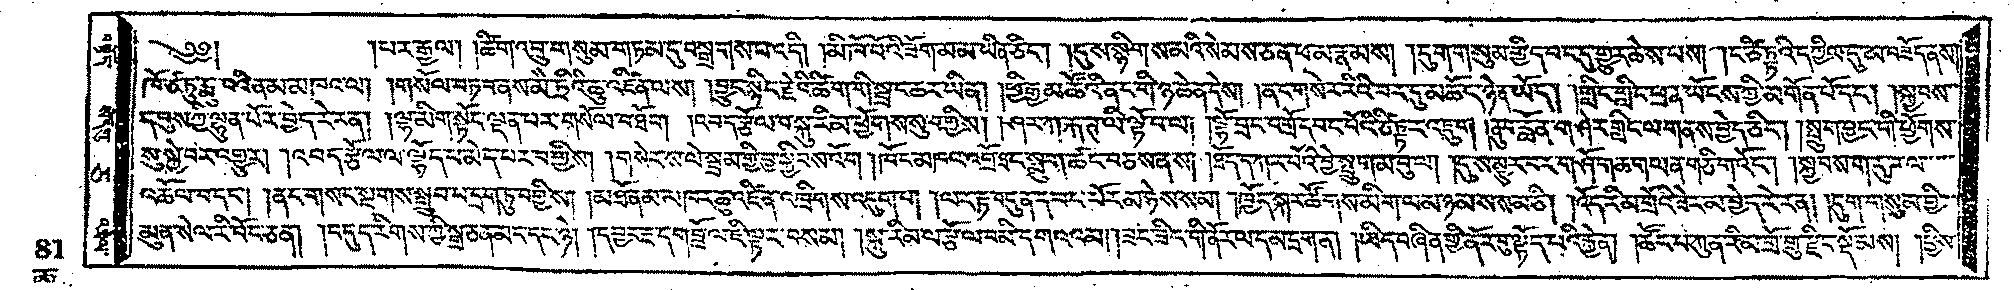༄༅། །པར་རྒྱལ། །ཚིག་འབྲུ་གསུམ་གཏམ་དུ་བསྒྲགས་པ་འདི། །མི་ཁོ་བོའི་ཟོག་མ་མ་ཡིན་ཅིང་། །དུས་སྙིགས་མའི་སེམས་ཅན་ཕ་མ་རྣམས། །དུག་གསུམ་གྱི་དབང་དུ་གྱུར་ཆེས་པས། །ང་ཙི་ཏྟའི་དཀྱིལ་དུ་མ་བཟོད་ནས།
ཁོ་ཙ་ཏུ་རྨུ་བའི་ནམ་མཁའ་ལ། །གསོལ་བཏབ་ནས་མཻ་ཏྲིའི་ཆུ་འཛིན་ལས། །བྱུང་སྙིང་རྗེའི་ཚིག་གི་སྦྲང་ཆར་ཡིན། །ཕྱི་རྒྱ་མཚོའི་ནང་གི་ཉ་ཆེན་དེས། །ནང་གསེར་རིའི་བར་དུ་མཆོད་ཉེན་ཡོད། །གླིང་གླིང་ཕྲན་ཡོངས་ཀྱི་མགོན་པོ་དང་། །སྐྱབས་
དབུས་ཀྱི་ལྷུན་པོར་བྱེད་རེ་རན། །ལྷ་མིག་སྟོང་ལྡན་པར་གསོལ་བ་ཐོབ། །འབད་རྩོལ་བ་སྐུ་རིམ་ཕྱོགས་སུ་བགྱིས། །ཤར་ཀ་རྐ་ཊ་ཡི་ལྟོ་བ་ལ། །ལྷོ་བྲང་འགྲོ་དབང་པོའི་ཙིཏྟར་འཇུག །ནུབ་རློན་གཤེར་གླིང་ལ་གནས་བྱེད་ཅིང་། །སྤྲུག་བྱང་གི་ཕྱོགས་
སུ་སྐྱེ་བར་འགྱུར། །འབད་རྩོལ་ལ་ལྷོད་པ་མེད་པར་བགྱིས། །གསེར་ས་ལེ་སྦྲམ་གྱི་བྱ་སྐྱིབས་འོག །ཁོང་མཁའ་འགྲོ་ཐང་སྨུག་ཚང་བཅས་ནས། །ཐོད་དཀར་པོའི་བྱེ་སྤྲུག་མ་བུ་ལ། །དུས་མྱུར་བར་གཤོག་ཆག་ལན་གཅིག་འོང་། །སྐྱབས་ག་རུ་ཌ་ལ་
འཆོལ་བ་དང་། །ནང་གསང་སྔགས་སྒྲུབ་པ་དྲག་ཏུ་བགྱིས། །མཐོ་ནམ་མཁར་ཆུ་འཛིན་འཁྲིགས་འདུག་པ། །ལར་རྟ་བདུན་དབང་པོར་མ་ཉེས་སམ། །ཁྱོད་སྐར་ཚོགས་མིག་ལམ་ཉམས་སམ་ཅི། །འོད་རིམ་གྲོའི་ཟེར་མ་བྱེད་རེ་རན། །དུག་གསུམ་གྱི་
མུན་སེལ་རི་བོང་ཅན། །བདུད་རིགས་ཀྱི་སྒྲ་ཅན་མང་དང་ཉེ། །དབྱར་རྔ་དག་བློ་ལ་ཇི་ལྟར་བསམ། །སྐུ་རིམ་ལ་རྩོལ་བ་མི་དགའ་འམ། །ཟང་ཟིང་གི་ནོར་ལ་དམ་དྲག་ན། །ཡིད་བཞིན་གྱི་ནོར་བུ་ལྟོད་པའི་རྐྱེན། །ཚོང་པ་ཀུན་རིམ་གྲོ་གྲུ་རྫིང་སྡོམས། །ཕྱིས་